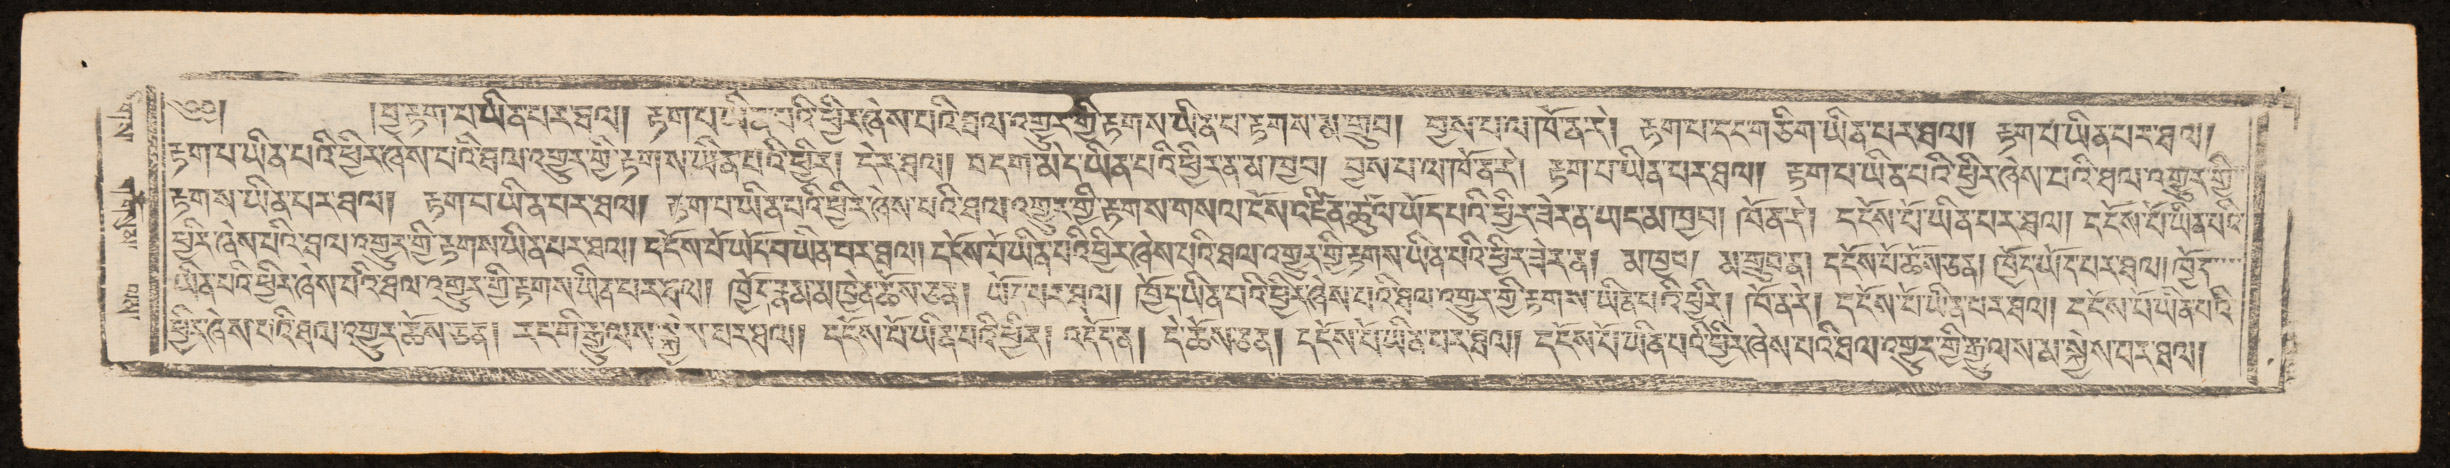༄༅། །བྱ་རྟག་པ་ཡིན་པར་ཐལ། རྟག་པ་ཡིན་པའི་ཕྱིར་ཞེས་པའི་ཐལ་འགྱུར་གྱི་རྟགས་ཡིན་པ་རྟགས་མ་གྲུབ། བྱས་པ་ལ་ཁོ་ན་རེ། རྟག་པ་དང་གཅིག་ཡིན་པར་ཐལ། རྟག་པ་ཡིན་པར་ཐལ།
རྟག་པ་ཡིན་པའི་ཕྱིར་ཞེས་པའི་ཐལ་འགྱུར་གྱི་རྟགས་ཡིན་པའི་ཕྱིར། དེར་ཐལ། བདག་མེད་ཡིན་པའི་ཕྱིར་ན་མ་ཁྱབ། བྱས་པ་ལ་ཁོ་ན་རེ། རྟག་པ་ཡིན་པར་ཐལ། རྟག་པ་ཡིན་པའི་ཕྱིར་ཞེས་པའི་ཐལ་འགྱུར་གྱི་
རྟགས་ཡིན་པར་ཐལ། རྟག་པ་ཡིན་པར་ཐལ། རྟག་པ་ཡིན་པའི་ཕྱིར་ཞེས་པའི་ཐལ་འགྱུར་གྱི་རྟགས་གསལ་ངོས་འཛིན་ཚུལ་ཡོད་པའི་ཕྱིར་ཟེར་ན་ཡང་མ་ཁྱབ། ཁོ་ན་རེ། དངོས་པོ་ཡིན་པར་ཐལ། དངོས་པོ་ཡིན་པའི་
ཕྱིར་ཞེས་པའི་ཐལ་འགྱུར་གྱི་རྟགས་ཡིན་པར་ཐལ། དངོས་པོ་ཡོད་པ་ཡིན་པར་ཐལ། དངོས་པོ་ཡིན་པའི་ཕྱིར་ཞེས་པའི་ཐལ་འགྱུར་གྱི་རྟགས་ཡིན་པའི་ཕྱིར་ཟེར་ན། མ་ཁྱབ། མ་གྲུབ་ན། དངོས་པོ་ཆོས་ཅན། ཁྱོད་ཡོད་པར་ཐལ། ཁྱོད་
ཡིན་པའི་ཕྱིར་ཞེས་པའི་ཐལ་འགྱུར་གྱི་རྟགས་ཡིན་པར་ཐལ། ཁྱོད་རྣམ་མཁྱེན་ཆོས་ཅན། ཡོད་པར་ཐལ། ཁྱོད་ཡིན་པའི་ཕྱིར་ཞེས་པའི་ཐལ་འགྱུར་གྱི་རྟགས་ཡིན་པའི་ཕྱིར། ཁོ་ན་རེ། དངོས་པོ་ཡིན་པར་ཐལ། དངོས་པོ་ཡིན་པའི་
ཕྱིར་ཞེས་པའི་ཐལ་འགྱུར་ཆོས་ཅན། རང་གི་རྒྱུ་ལས་སྐྱེས་པར་ཐལ། དངོས་པོ་ཡིན་པའི་ཕྱིར། འདོད་ན། དེ་ཆོས་ཅན། དངོས་པོ་ཡིན་པར་ཐལ། དངོས་པོ་ཡིན་པའི་ཕྱིར་ཞེས་པའི་ཐལ་འགྱུར་གྱི་རྒྱུ་ལས་མ་སྐྱེས་པར་ཐལ།